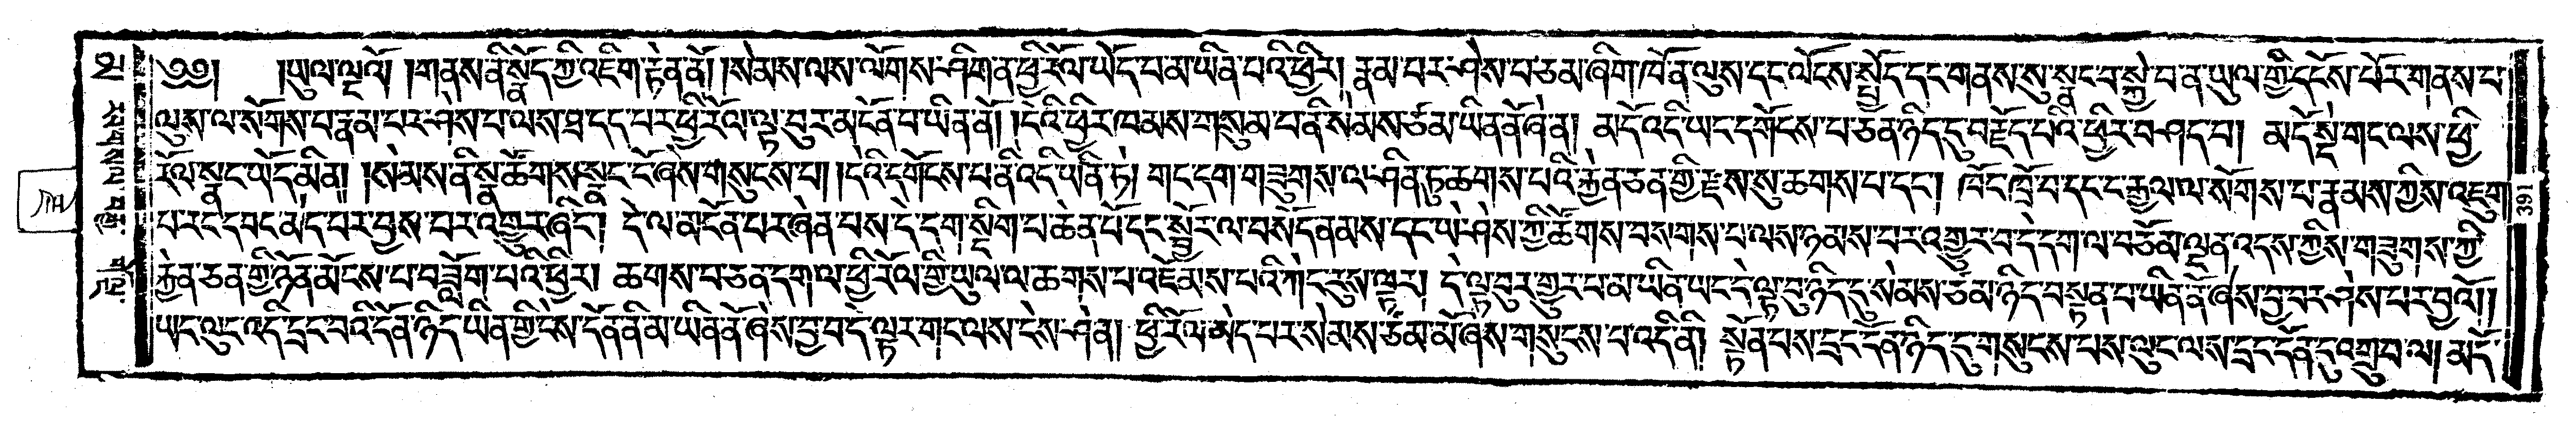༄༅། །ཡུལ་ལྔའོ། །གནས་ནི་སྣོད་ཀྱི་འཇིག་རྟེན་ནོ། །སེམས་ལས་ལོགས་ཤིག་ན་ཕྱི་རོལ་ཡོད་པ་མ་ཡིན་པའི་ཕྱིར། རྣམ་པར་ཤེས་པ་ཙམ་ཞིག་ཁོ་ན་ལུས་དང་ལོངས་སྤྱོད་དང་གནས་སུ་སྣང་བ་སྐྱེ་བ་ན་ཡུལ་གྱི་དངོས་པོར་གནས་པ་
ལུས་ལ་སོགས་པ་རྣམ་པར་ཤེས་པ་ལས་ཐ་དད་པར་ཕྱི་རོལ་ལྟ་བུར་མངོན་པ་ཡིན་ནོ། །དེའི་ཕྱིར་ཁམས་གསུམ་པ་ནི་སེམས་ཙམ་ཡིན་ནོ་ཞེ་ན། མདོ་འདི་ཡང་དགོངས་པ་ཅན་ཉིད་དུ་བརྗོད་པའི་ཕྱིར་བཤད་པ། མདོ་སྡེ་གང་ལས་ཕྱི་
རོལ་སྣང་ཡོད་མིན། །སེམས་ནི་སྣ་ཚོགས་སྣང་ངོ་ཞེས་གསུངས་པ། །དེའི་དགོངས་པ་ནི་འདི་ཡིན་ཏེ། གང་དག་གཟུགས་ལ་ཤིན་ཏུ་ཆགས་པའི་རྐྱེན་ཅན་གྱི་རྫས་སུ་ཆགས་པ་དང་། ཁོང་ཁྲོ་བ་དང་ང་རྒྱལ་ལ་སོགས་པ་རྣམས་ཀྱིས་འཇུག་
པ་རང་དབང་མེད་པར་བྱས་པར་འགྱུར་ཞིང་། དེ་ལ་མངོན་པར་ཞེན་པས་དེ་དག་སྡིག་པ་ཆེན་པོ་དང་སྦྱོར་ལ་བསོད་ནམས་དང་ཡེ་ཤེས་ཀྱི་ཚོགས་བསགས་པ་ལས་ཉམས་པར་འགྱུར་བ་དེ་དག་ལ་བཅོམ་ལྡན་འདས་ཀྱིས་གཟུགས་ཀྱི་
རྐྱེན་ཅན་གྱི་ཉོན་མོངས་པ་བཟློག་པའི་ཕྱིར། ཆགས་པ་ཅན་དག་ལ་ཕྱི་རོལ་གྱི་ཡུལ་ལ་ཆགས་པ་འཇོམས་པའི་ཀེང་རུས་ལྟར། དེ་ལྟ་བུར་གྱུར་པ་མ་ཡིན་ཡང་དེ་ལྟ་བུ་ཉིད་དུ་སེམས་ཙམ་ཉིད་བསྟན་པ་ཡིན་ནོ་ཞེས་བྱ་བར་ཤེས་པར་བྱའོ།།
ཡང་ལུང་འདི་དྲང་བའི་དོན་ཉིད་ཡིན་གྱི་ངེས་དོན་ནི་མ་ཡིན་ནོ་ཞེས་བྱ་བ་དེ་ལྟར་གང་ལས་ངེས་ཤེ་ན། ཕྱི་རོལ་མེད་པར་སེམས་ཙམ་མོ་ཞེས་གསུངས་པ་འདི་ནི། སྟོན་པས་དྲང་དོན་ཉིད་དུ་གསུངས་པས་ལུང་ལས་དྲང་དོན་དུ་འགྲུབ་ལ། མདོ་